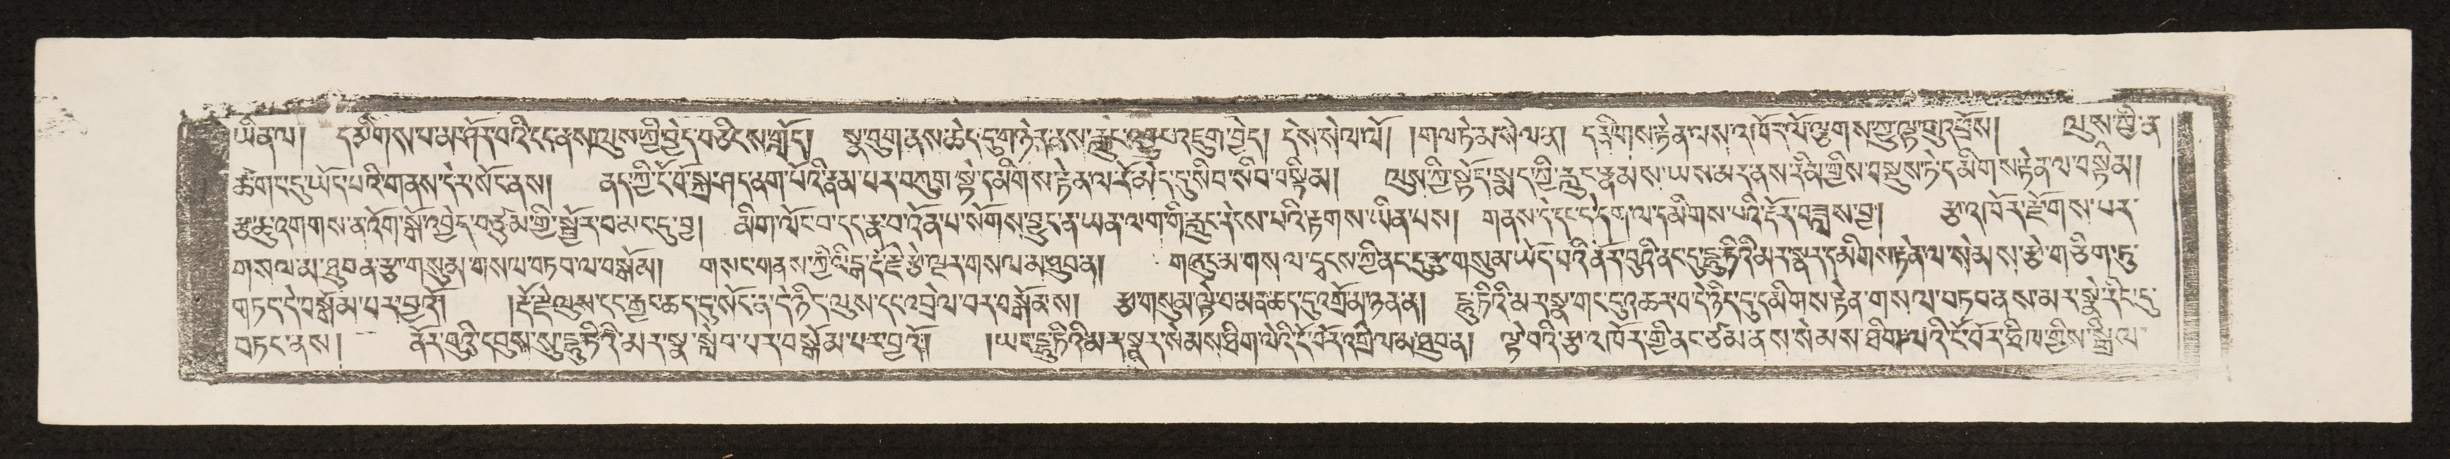ཡིན་ལ། དམིགས་པ་མ་ཤོར་པའི་ངང་ནས་ལུས་ཀྱི་བྱེད་པ་ཅིངས་གློད། སྣ་བུག་ནས་ཆེད་དུ་གཉེར་ནས་རླུང་འབྱུང་འཇུག་བྱེད། དེས་སེལ་ལོ། །གལ་ཏེ་མ་སེལ་ན། དམིགས་རྟེན་ལས་འཁོར་ལོ་ལྕགས་ཀྱུ་ལྟ་བུ་འཕྲོས། ལུས་ཀྱི་
ན་ཚ་གང་དུ་ཡོད་པའི་གནས་དེར་སོང་ནས། ནད་ཀྱི་ངོ་བོ་སྐྲ་ཤད་ནག་པོའི་རྣམ་པར་བཀུག་སྟེ་དམིགས་རྟེན་ལ་རོ་མེད་དུ་སིབ་སིབ་བསྟིམ། ལུས་ཀྱི་སྟོད་སྨད་ཀྱི་རླུང་རྣམས་ཡས་མར་ནས་རིམ་གྱིས་བསྡུས་ཏེ་དམིགས་རྟེན་ལ་བསྟིམ།
རྩ་ཆུ་འགགས་ན་འོག་སྒོ་འབྱེད་བཙུམ་གྱི་སྦྱོར་བ་མང་དུ་བྱ། མིག་ལོང་བ་དང་རྣ་བ་འོན་པ་སོགས་བྱུང་ན་ཡན་ལག་གི་རླུང་རེངས་པའི་རྟགས་ཡིན་པས། གནས་དེ་དང་དེ་དག་ལ་དམིགས་པའི་རྡོར་བཟླས་བྱ་རྩ་འཁོར་རྫོགས་པར་
གསའ་མ་ཐུབ་ན་རྩ་གསུམ་གསལ་བཏབ་ལ་བསྒོམ། གསང་གནས་ཀྱི་ལིངྒ་རྡོ་རྗེ་རྩེ་ལྔར་གསལ་མ་ཐུབ་ན། གཞུང་མ་གསལ་དྭངས་ཀྱི་ནང་དུ་རྩ་གསུམ་ཡོད་པའི་ནོར་བུའི་ནང་དུ་དྷུ་ཏིའི་མར་སྣར་དམིགས་རྟེན་ལ་སེམས་རྩེ་གཅིག་ཏུ་
གཏད་དེ་བསྒོམ་པར་བྱའོ། །རྡོ་རྗེ་ལུས་དང་རྒྱང་ཆད་དུ་སོང་ན་དེ་ཉིད་ལུས་དང་འབྲེལ་བར་བསྒོམས། རྩ་གསུམ་ལྟེ་བ་མན་ཆད་དུ་འགྲོ་མ་ཉན་ན། དྷུ་ཏིའི་མར་སྣ་གང་དུ་འཆར་པ་དེ་ཉིད་དུ་དམིགས་རྟེན་གསལ་བཏབ་ནས་མར་སྣེ་
རིང་དུ་བཏང་ནས། ནོར་བུའི་དབུས་སུ་དྷུ་ཏིའི་མར་སྣ་སླེབ་པར་བསྒོམ་པར་བྱའོ། །ཡང་དྷུ་ཏིའི་མར་སྣར་སེམས་ཐིག་ལེའི་ངོ་བོར་འགྲིལ་མ་ཐུབ་ན། ལྟེ་པའི་རྩ་འཁོར་གྱི་ནང་ཙམ་ནས་སེམས་ཐིག་ལེའི་ངོ་བོར་ཧྲིལ་གྱིས་སྒྲིལ་